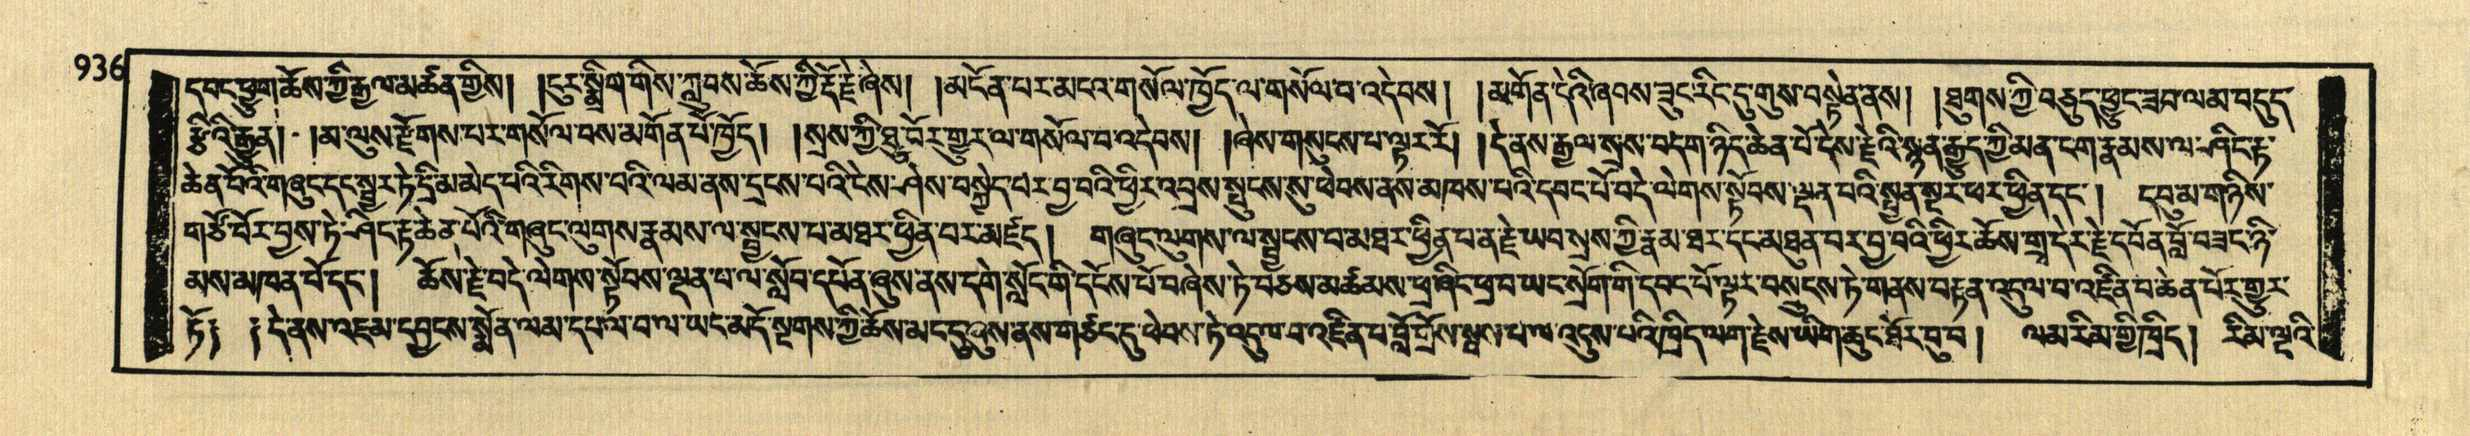དབང་ཕྱུག་ཆོས་ཀྱི་རྒྱལ་མཚན་གྱིས། །དུར་སྨྲིག་གིས་ཀླུབས་ཆོས་ཀྱི་རྡོ་རྗེ་ཞེས། །མངོན་པར་མངའ་གསོལ་ཁྱོད་ལ་གསོལ་བ་འདེབས། །མགོན་དེའི་ཞབས་ཟུང་རིང་དུ་གུས་བསྟེན་ནས། །ཐུགས་ཀྱི་བཅུད་ཕྱུང་ཟབ་ལམ་བདུད་
རྩིའི་རྒྱུན། །མ་ལུས་རྫོགས་པར་གསོལ་བས་མགོན་པོ་ཁྱོད། །སྲས་ཀྱི་ཐུ་བོར་གྱུར་ལ་གསོལ་བ་འདེབས། །ཞེས་གསུངས་པ་ལྟར་རོ། །དེ་ནས་རྒྱལ་སྲས་བདག་ཉིད་ཆེན་པོ་དེས་རྗེའི་སྙན་རྒྱུད་ཀྱི་མན་ངག་རྣམས་ལ་ཤིང་རྟ་
ཆེན་པོའི་གཞུང་དང་སྦྱར་ཏེ་དྲི་མ་མེད་པའི་རིགས་བའི་ལམ་ནས་དྲངས་པའི་ངེས་ཤེས་བསྐྱེད་པར་བྱ་བའི་ཕྱིར་འབྲས་སྤུངས་སུ་ཕེབས་ནས་མཁས་པའི་དབང་པོ་བདེ་ལེགས་སྟོབས་ལྡན་པའི་སྤྱན་སྔར་ཕར་ཕྱིན་དང་། དབུ་མ་གཉིས་
གཙོ་བོར་བྱས་ཏེ་ཤིང་རྟ་ཆེན་པོའི་གཞུང་ལུགས་རྣམས་ལ་སྦྱངས་པ་མཐར་ཕྱིན་བར་མཛད། གཞུང་ལུགས་ལ་སྦྱངས་བ་མཐར་ཕྱིན་པ་ན་རྗེ་ཡབ་སྲས་ཀྱི་རྣམ་ཐར་དང་མཐུན་བར་བྱ་བའི་ཕྱིར་ཆོས་གྲྭ་དེར་རྗེ་དབོན་བློ་བཟང་ཉི་
མས་མཁན་པོ་དང་། ཆོས་རྗེ་བདེ་ལེགས་སྟོབས་ལྡན་པ་ལ་སློབ་དཔོན་ཞུས་ནས་དགེ་སློང་གི་དངོས་པོ་བཞེས་ཏེ་བཅས་མཚམས་ཕྲ་ཞིང་ཕྲ་བ་ཡང་སྲོག་གི་དབང་པོ་ལྟར་བསྲུངས་ཏེ་གནས་བརྟན་འདུལ་བ་འཛིན་པ་ཆེན་པོར་གྱུར་
ཏོ༑ ༑དེ་ནས་འཇམ་དབྱངས་སྨོན་ལམ་དཔལ་བ་ལ་ཡང་མདོ་སྔགས་ཀྱི་ཆོས་མང་དུ་ཞུས་ནས་གཙང་དུ་ཕེབས་ཏེ་འདུལ་བ་འཛིན་པ་བློ་གྲོས་སྦས་པ་ལ་འདུས་པའི་ཁྲིད་ལག་རྗེས་ཡིག་ཆུང་ཐོར་བུ་བ། ལམ་རིམ་གྱི་ཁྲིད། རིམ་ལྔའི་